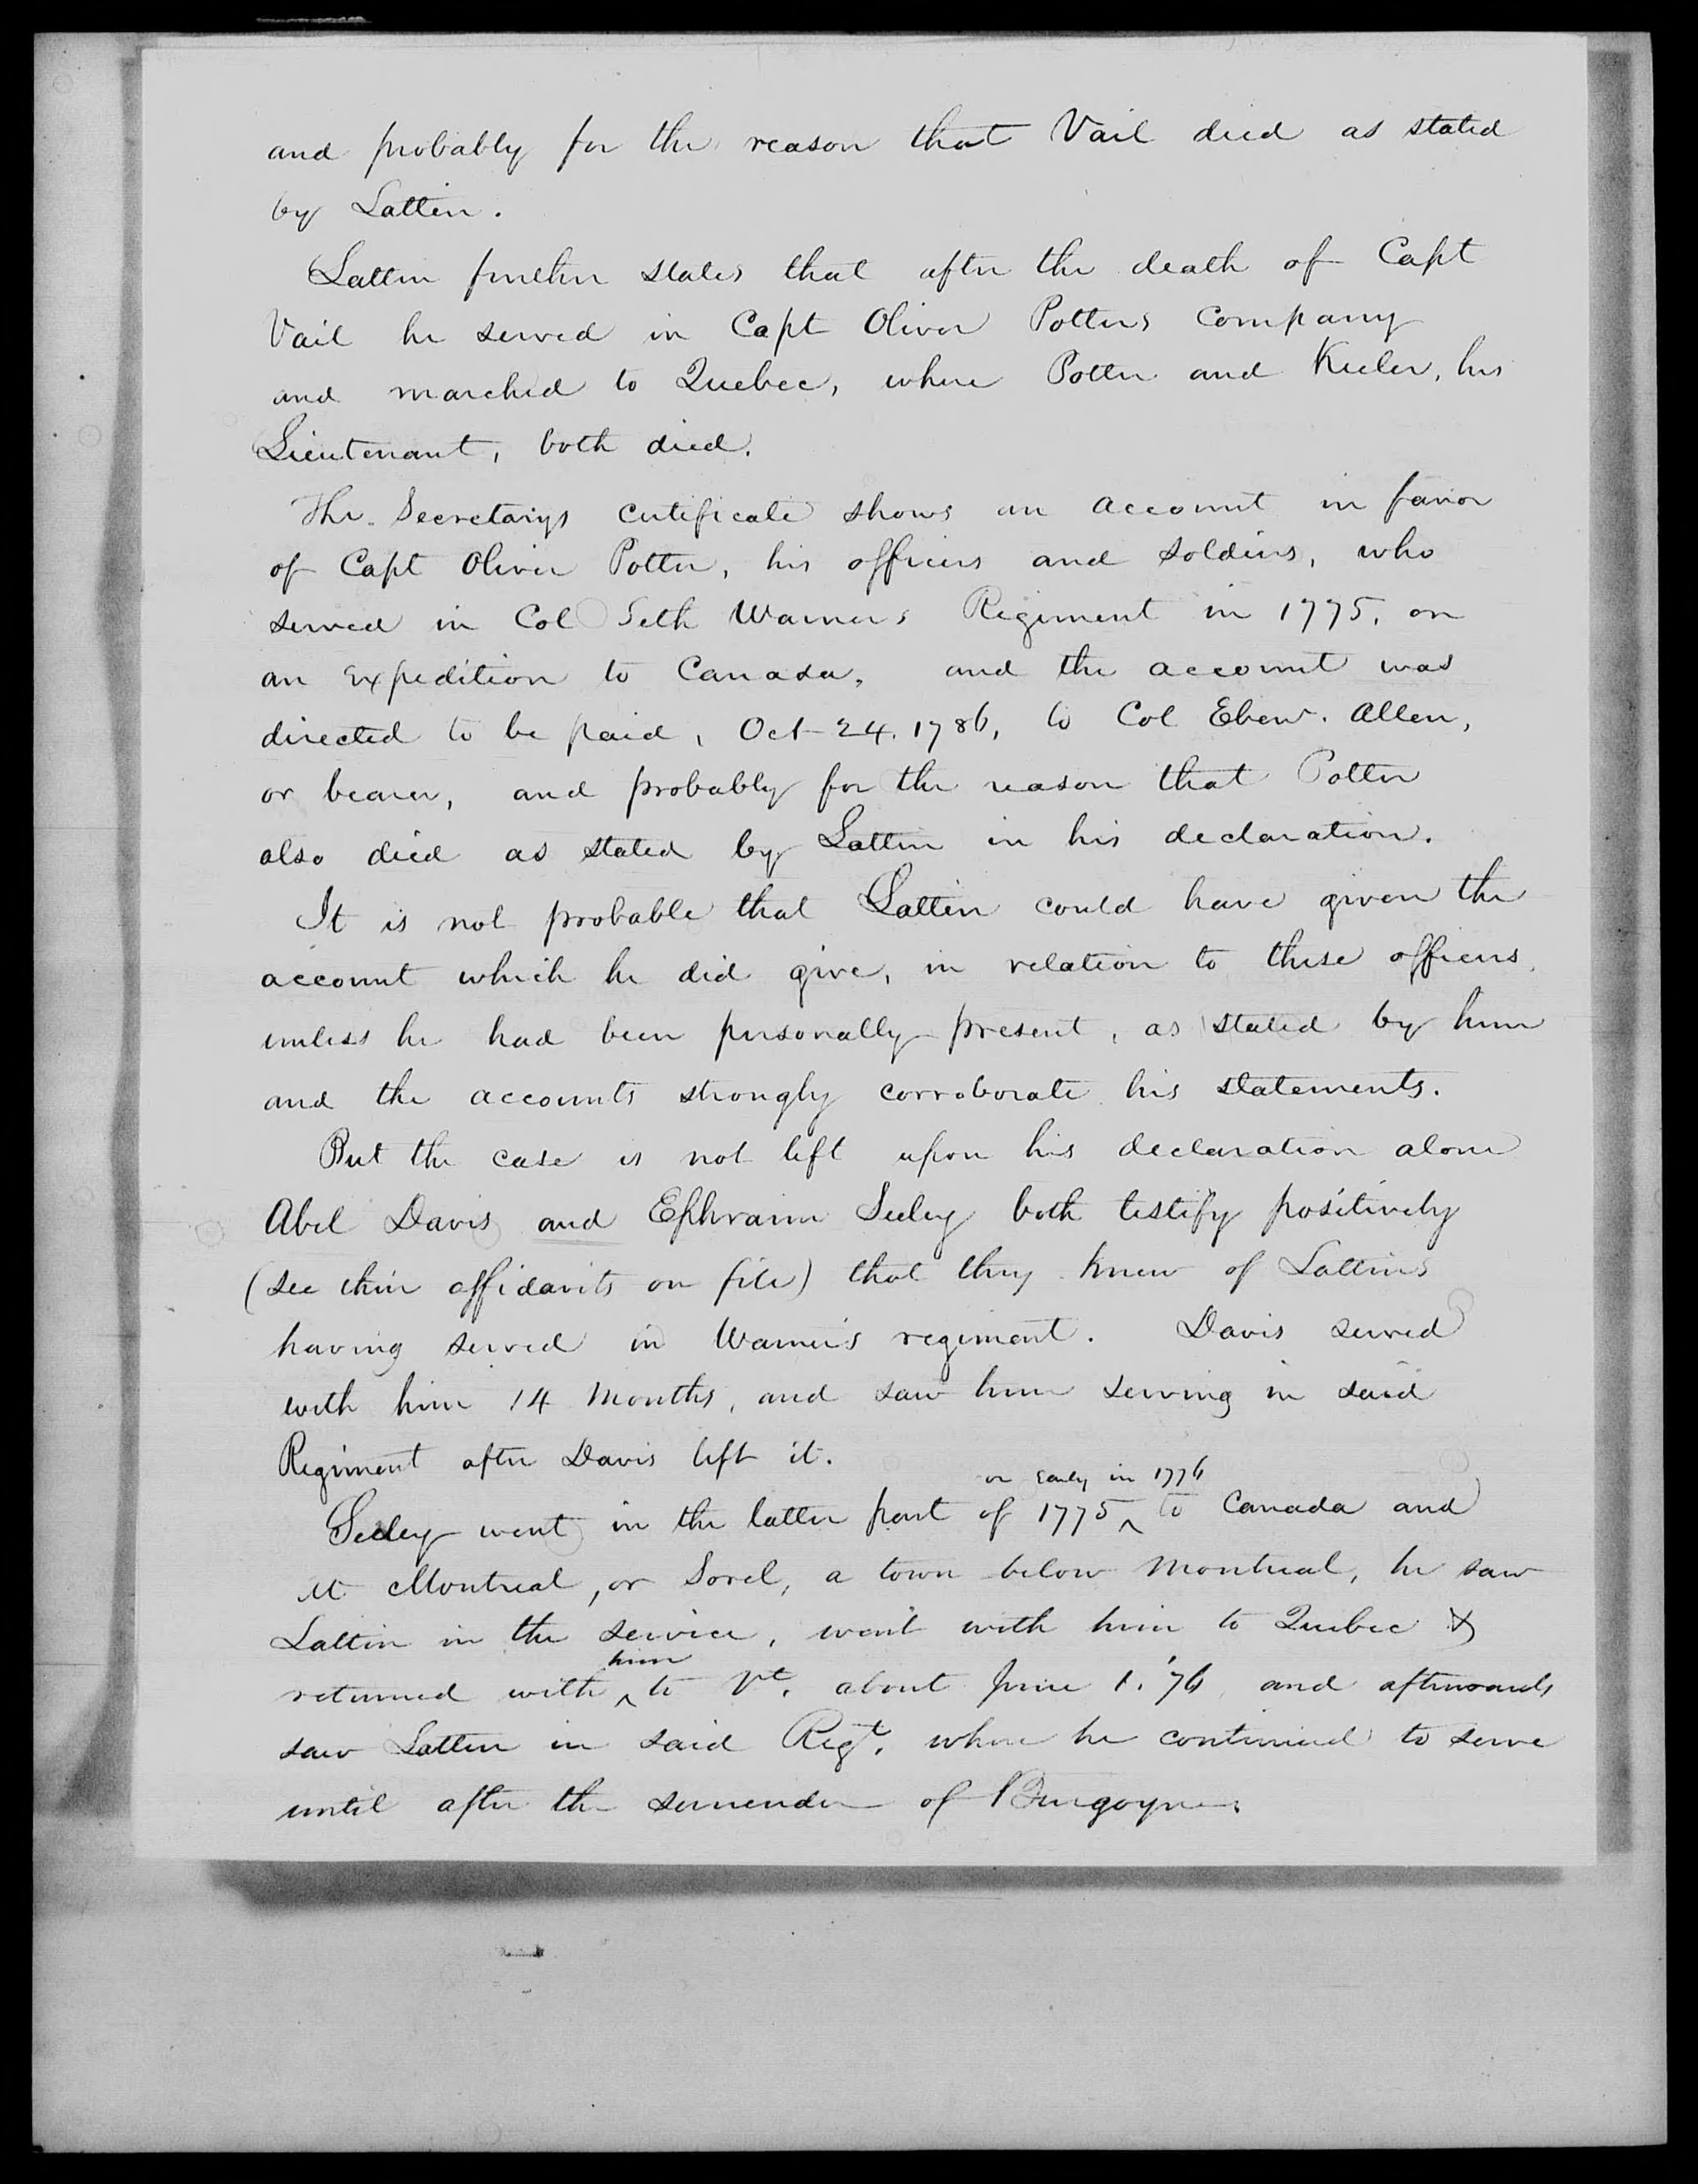and probably for the reason that Vail died as stated
by Lattin.
Lattin further states that after the death of Capt
Vail he served in Capt Oliver Potters Company
and marched to Quebec, where Potter and Keeler, his
Lieutenant, both died.
The Secretary’s certificate shows an account in favor
of Capt Oliver Potter, his officers and soldiers, who
served in Col Seth Warner’s Regiment in 1775, on
an Expedition to Canada and the account was
directed to be paid, Oct 24, 1786, to Col. Eben Allen
or bearer, and probably for the reason that Potter
also died as stated by Lattin in his declaration.
It is not probable that Latter could have given the
account which he did give, in relation to these officers
unless he had been personally present, as stated by him
and the accounts strongly corroborate his statements.
But the case is not left upon his declaration alone.
Abel Davis and Ephraim Seeley both testify positively
(See their affidavits on file) that they knew of Lattin’s
having served in Warner's regiment.
Davis served with him 14 months, and saw him serving in said
Regiment after Davis left it.
Selley went in the latter part of 1775, or early in 1776, to Canada. And at Montreal, or [Lord,] a town below Montreal, he saw Lattin in the service, went with him to Quebec &
returned with him to Vt., about June 1 ‘76 and afterwards
saw Lattin in said Regt where he continued to serve
until after the surrender of Burgoyne.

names: [BLANK] Vail; [BLANK] Lattin; Oliver Potter; [BLANK] Burgoyne; Ephraim Seeley; Abel Davis; Ebenr Allen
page: 90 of 99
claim: widow's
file: W. 24,482, for Richard Lattin, Vermont